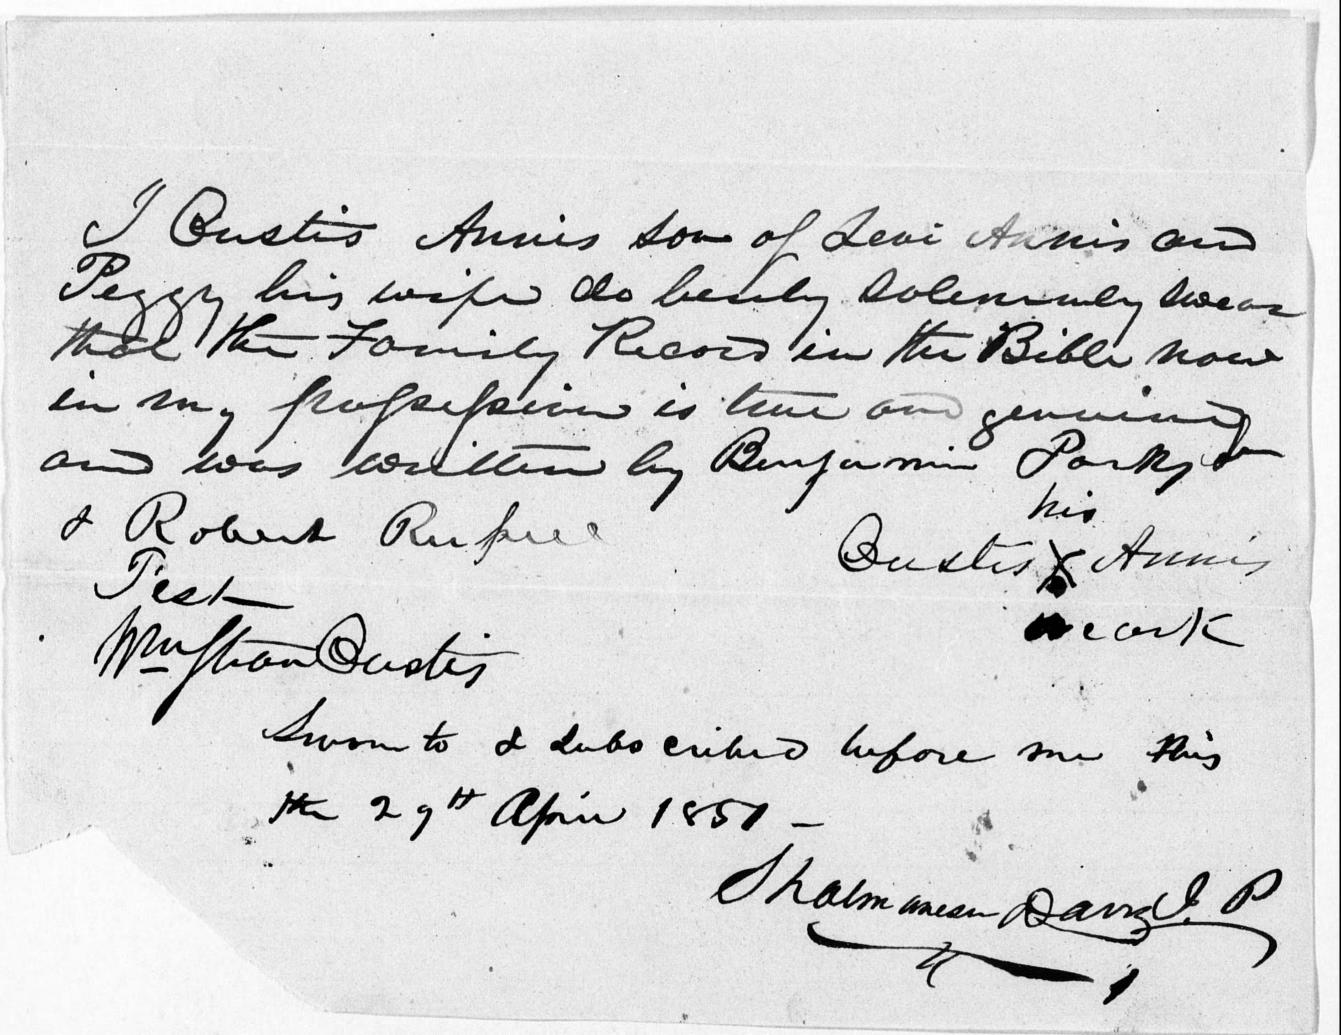I Custis Annis son of Levi Annis and Peggy his wife do hereby solemnly swear that the Family Record in the Bible now in my possession is true and genuine and was written by Benjamon Parks & Robert Rupell
Custis Annis x his mark
Test
Wm Stean Custis
Sworn to & subscribed before me this the 29th April 1857 -
Shalmaneser Davis JP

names: Peggy, Custis Annis, Benjamin Parks, Robert Rupell, Wm Stean Custis, Levi Annis, Shalmaneser Davis, Custis Annis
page: 17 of 27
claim: widow's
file: W 5624, Levi Annis, Va. Va. Sea Service